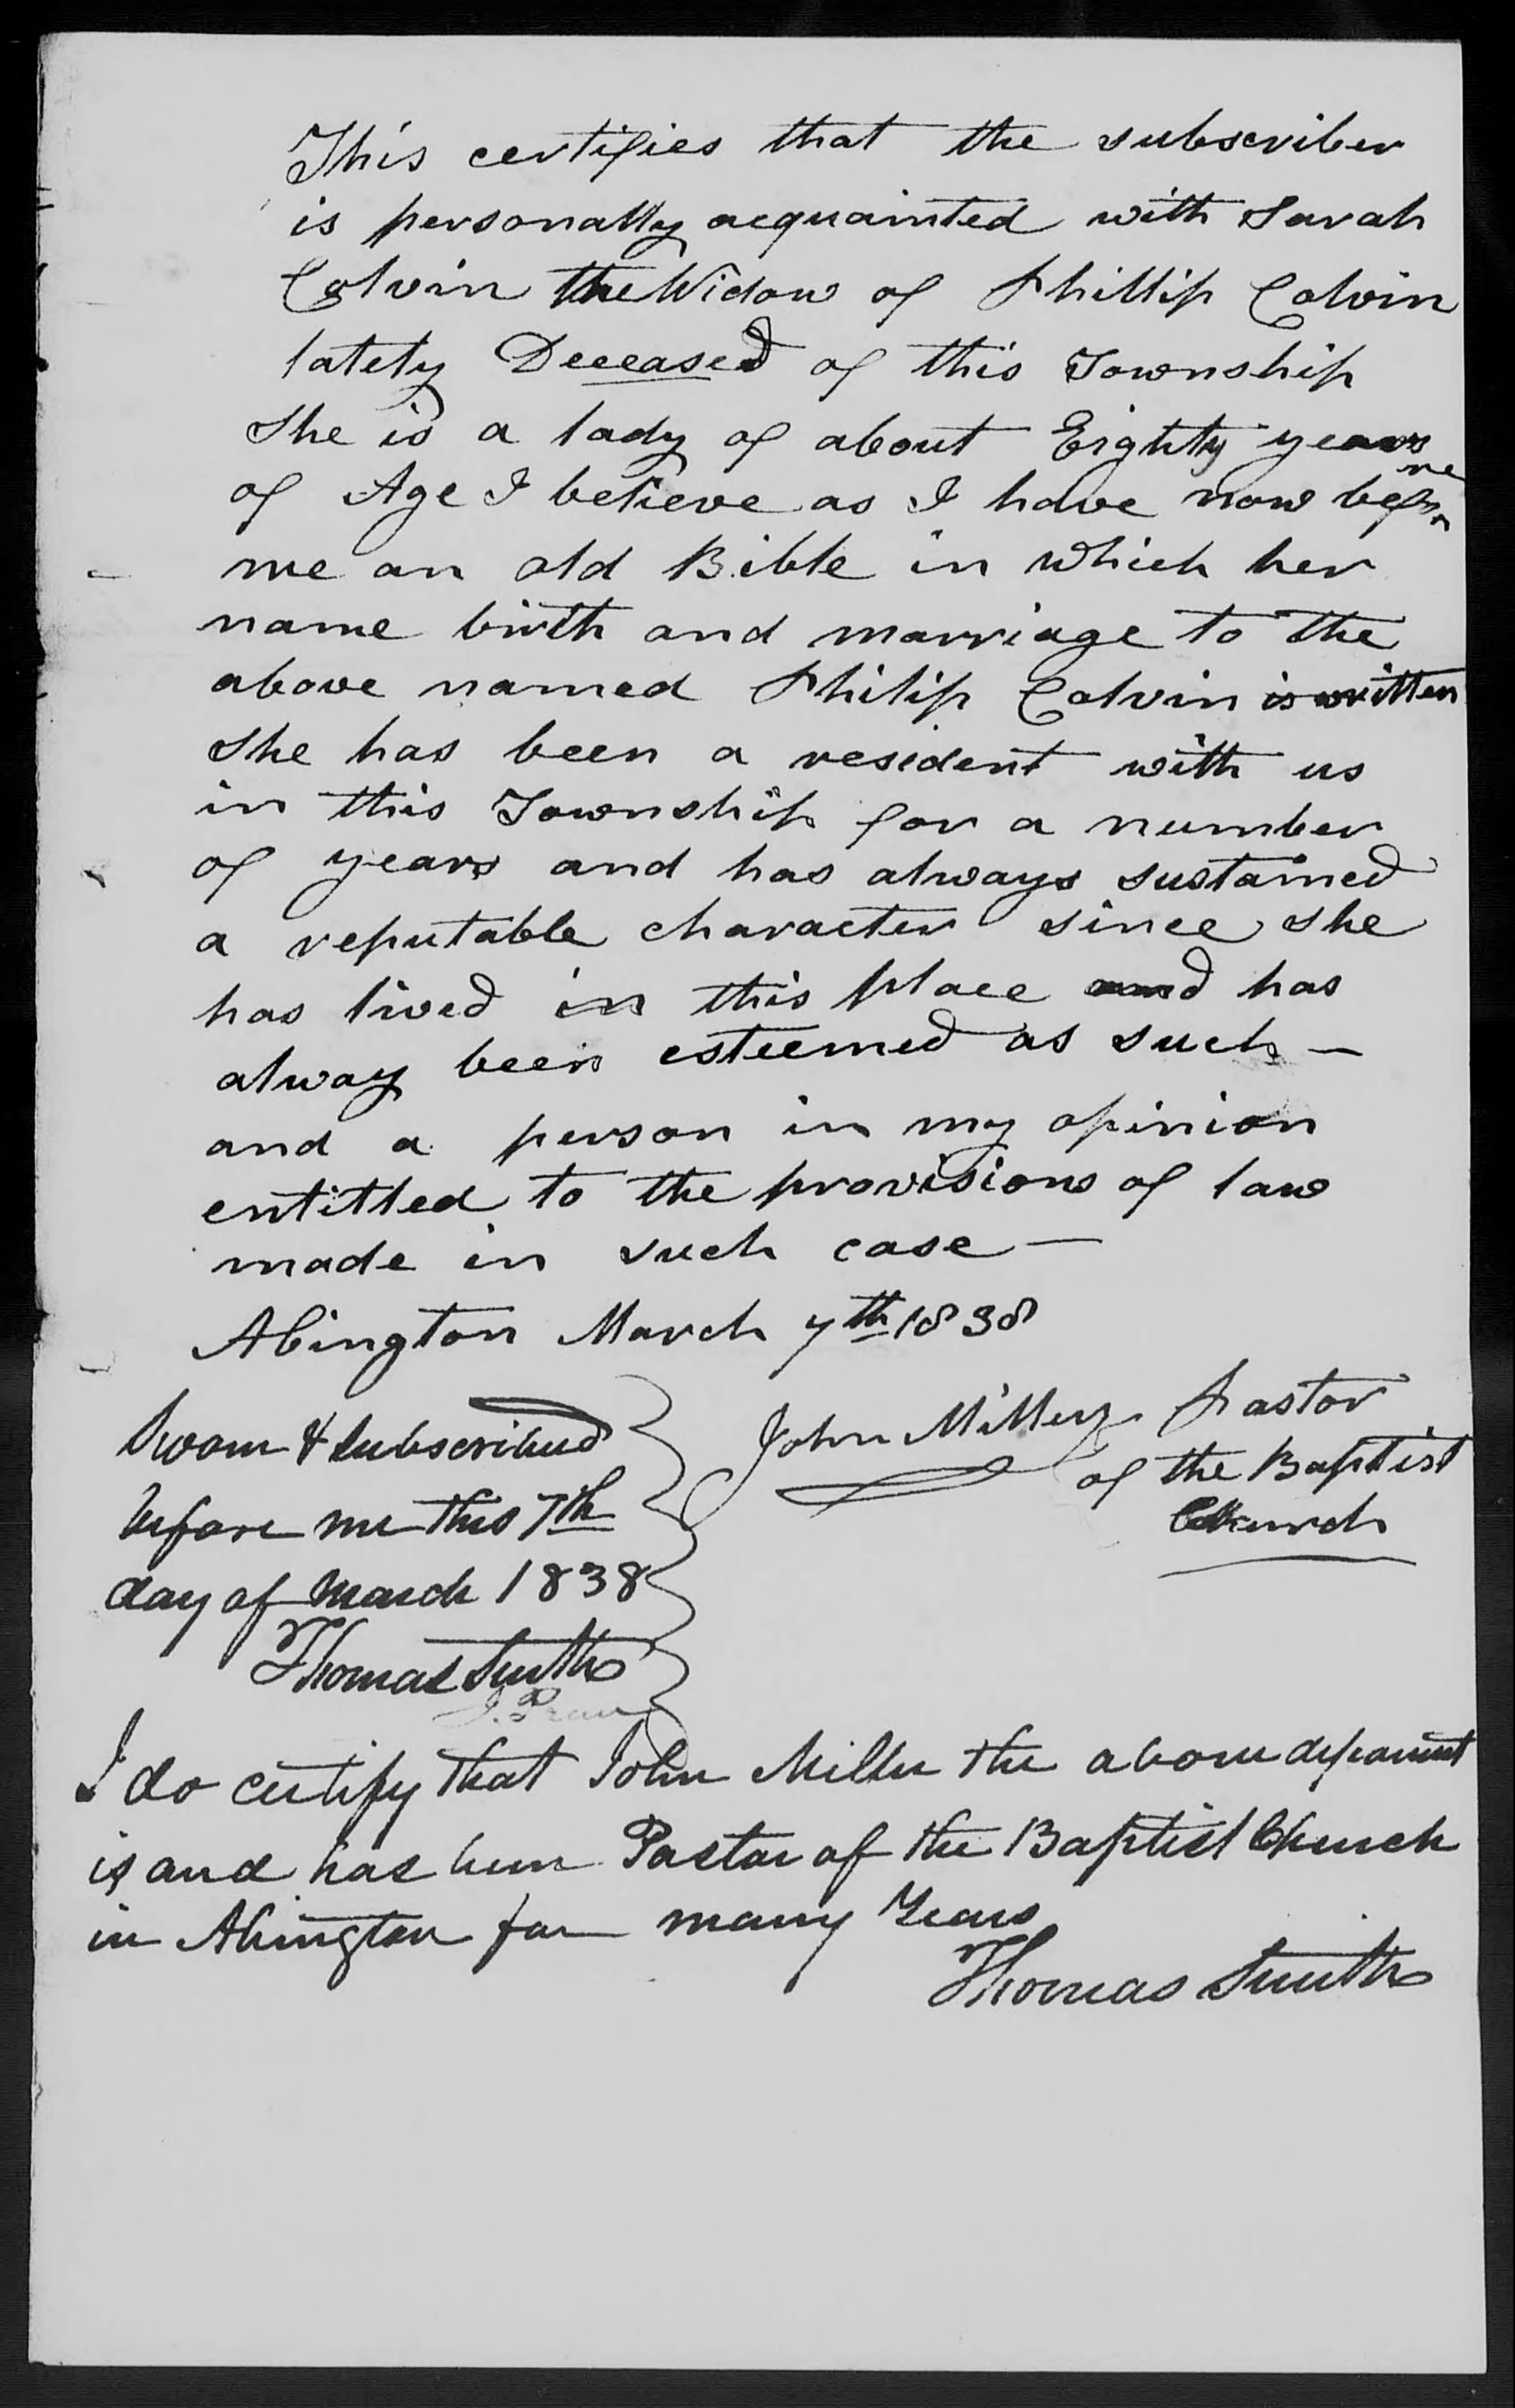This certifies that the subscriber is personally acquainted with Sarah Colvin the widow of Phillip Colvin lately deceased of this township. She is a lady of about eighty years of age I believe as I have now before me an old Bible in which her name birth and marriage to the above named Philip Colvin is written. She has been a resident with us in this township for a number of years and has always sustained a reputable character since she has lived in this place and has alway been esteemed as such and a person in my opinion entitled to the provisions of the law made in such case.
Abington March 7th 1838
John Miller, Pastor of the Baptist Church

Sworn & subscribed before me this 7th day of March 1838
Thomas Smith

I do certify that John Miller the above defiant is and has been Pastor of the Baptist Church in Abington for many years.
Thomas Smith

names: John Miller, Sarah Colvin, Thomas Smith, Philip Colvin, Phillip Colvin, John Miller, Thomas Smith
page: 13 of 41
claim: widow's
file: W. 3513, Philip Colvin, R.I.